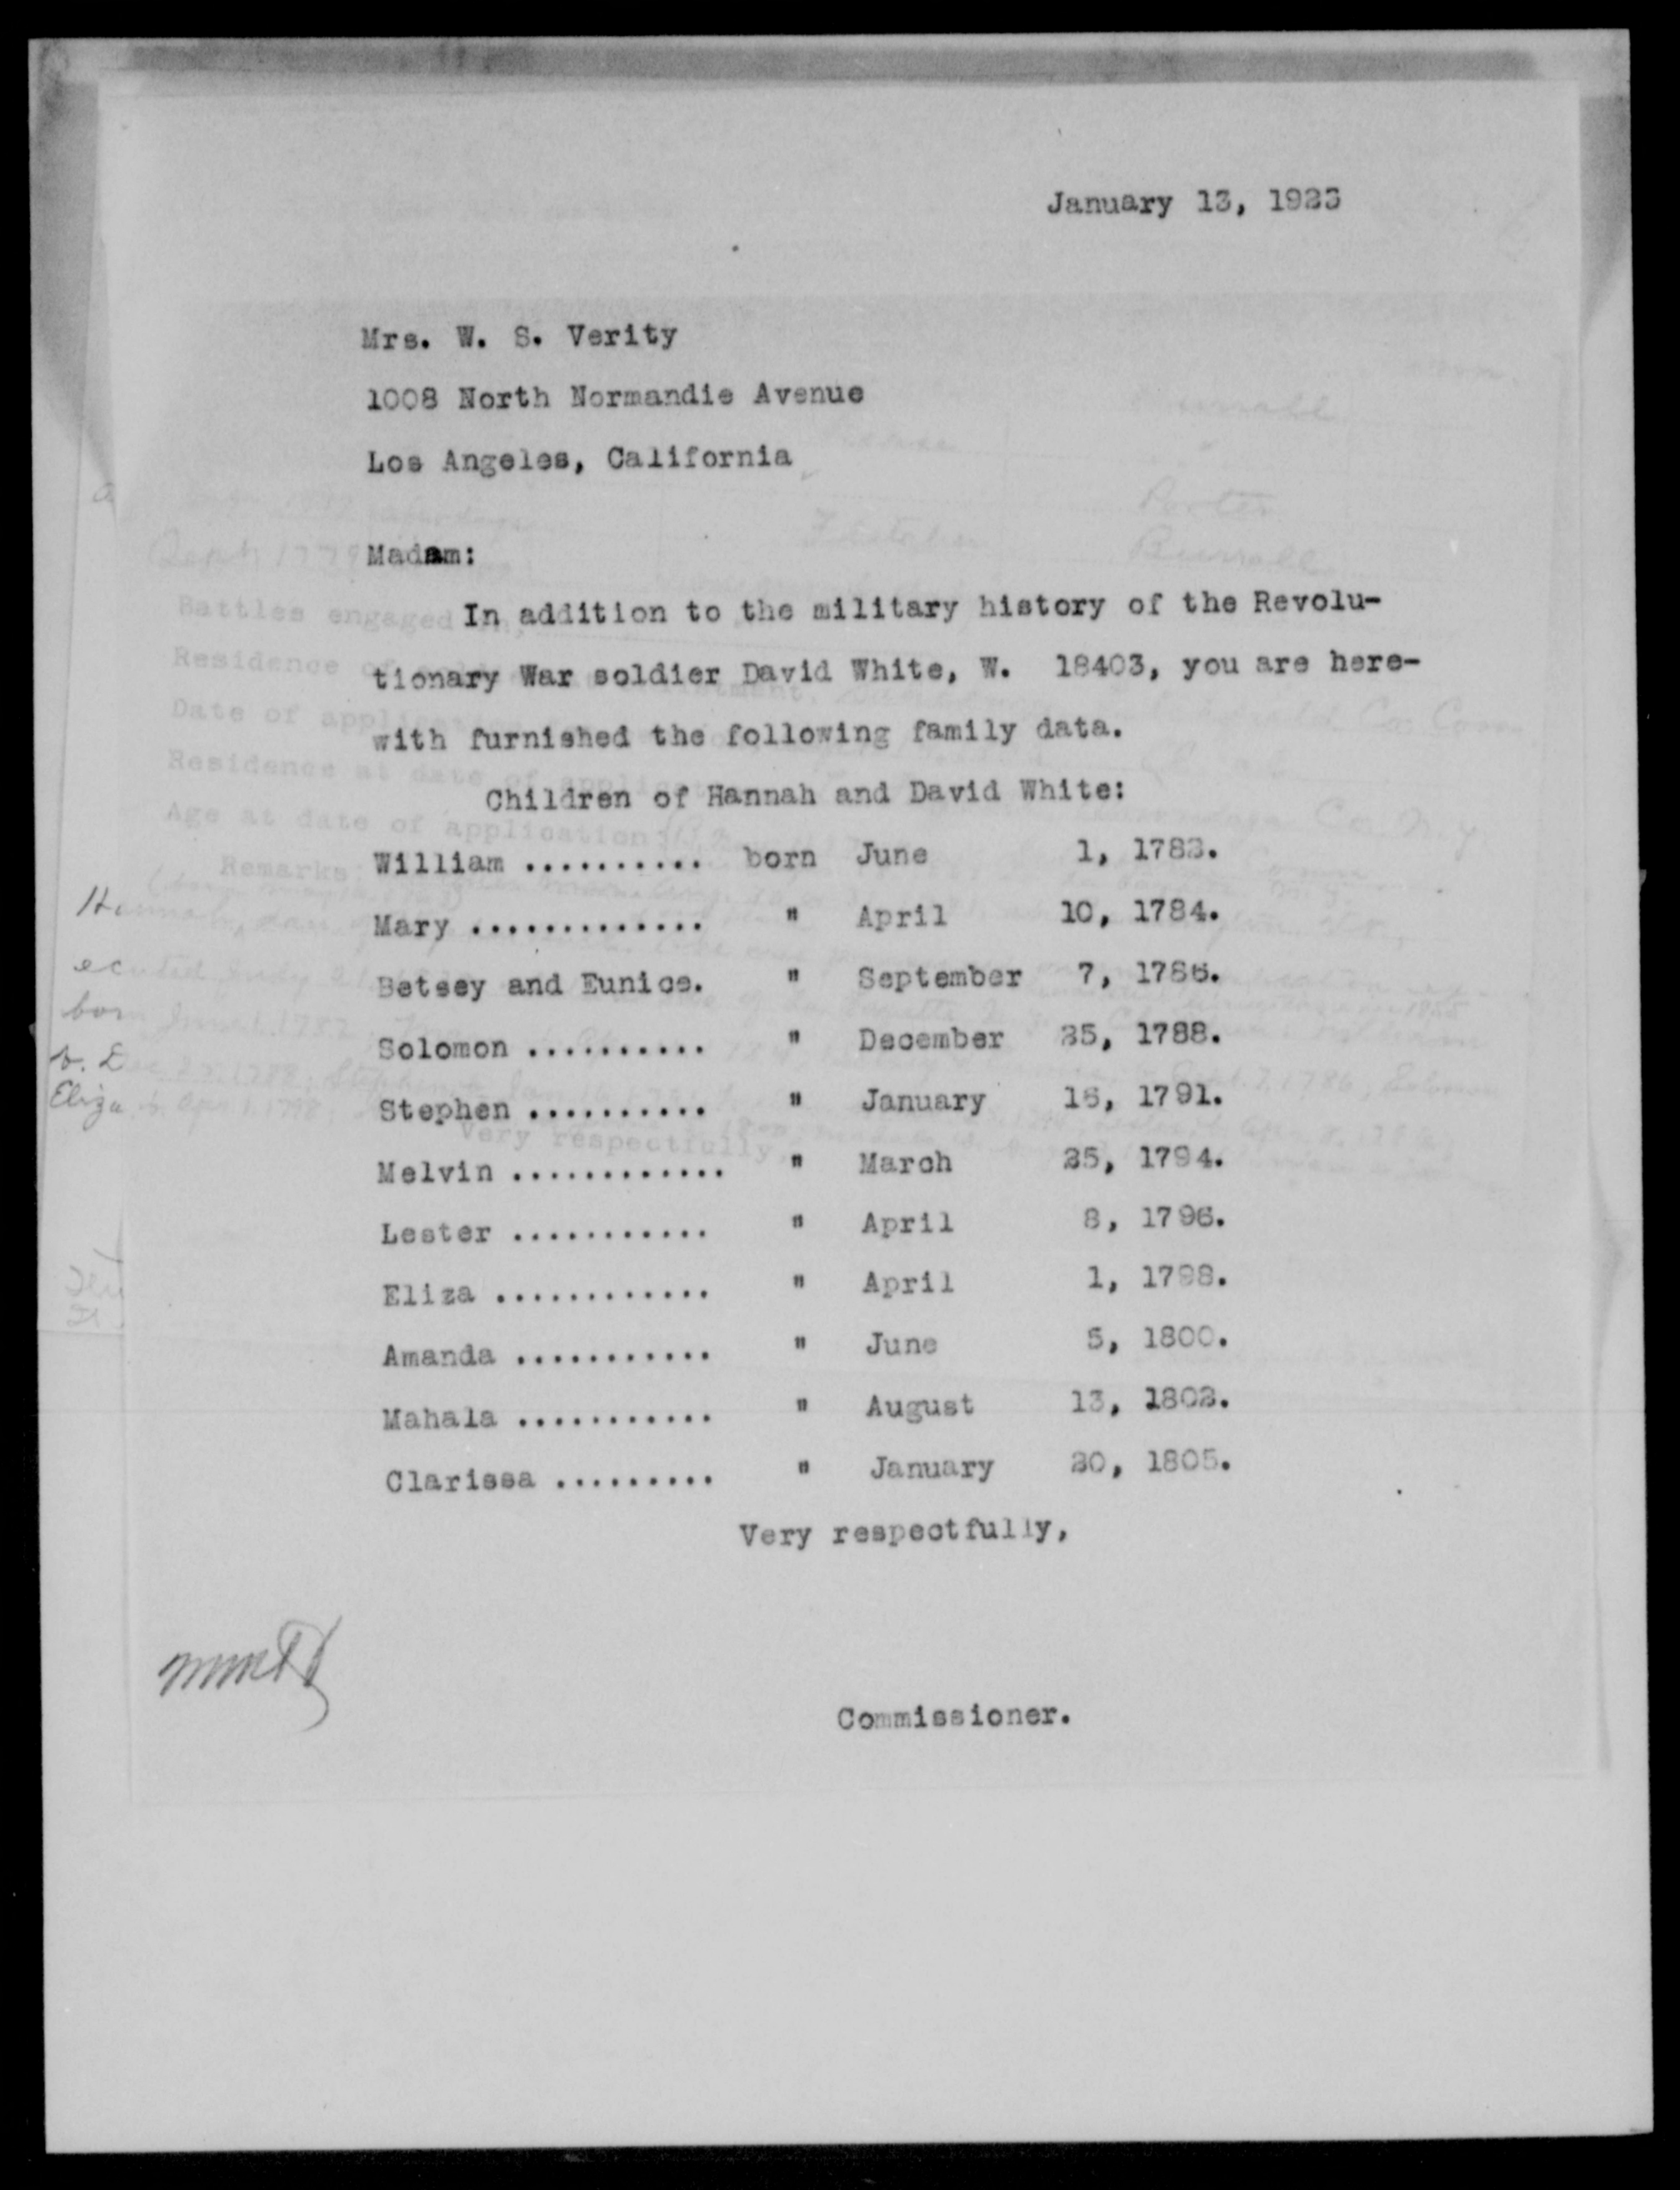January 13, 1933

Mrs. W.S. Verity
1008 North Normandie Avenue
Los Angeles, California

Madam:

In addition to the military history of the Revolutionary War soldier David White, W. 18403, you are herewith furnished the following family data.

Children of Hannah and David White:

William ...... born June 1, 1783.
Mary.......born April 10, 1784.
Betsey and Eunice. born September 7, 1786.
Solomon......born December [3]25, 1788.
Stephen.....born January 16, 1791.
Melvin.....born March 25, 1794.
Lester.....born April 8, 1796.
Eliza.....born April 1, 1798.
Amanda.....born June 5, 1800.
Mahala....born August 13, 1803.
Clarissa......born January 30, 1805.

Very respectfully,

Commissioner

mmlb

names: Clarissa, Mahala, Stephen, Hannah White, Solomon, Mary, David White, William, Eliza, Eunice, Lester, Melvin, Amanda, Betsey, W S Verity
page: 34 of 63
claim: widow's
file: W. 18403, David White, Conn.